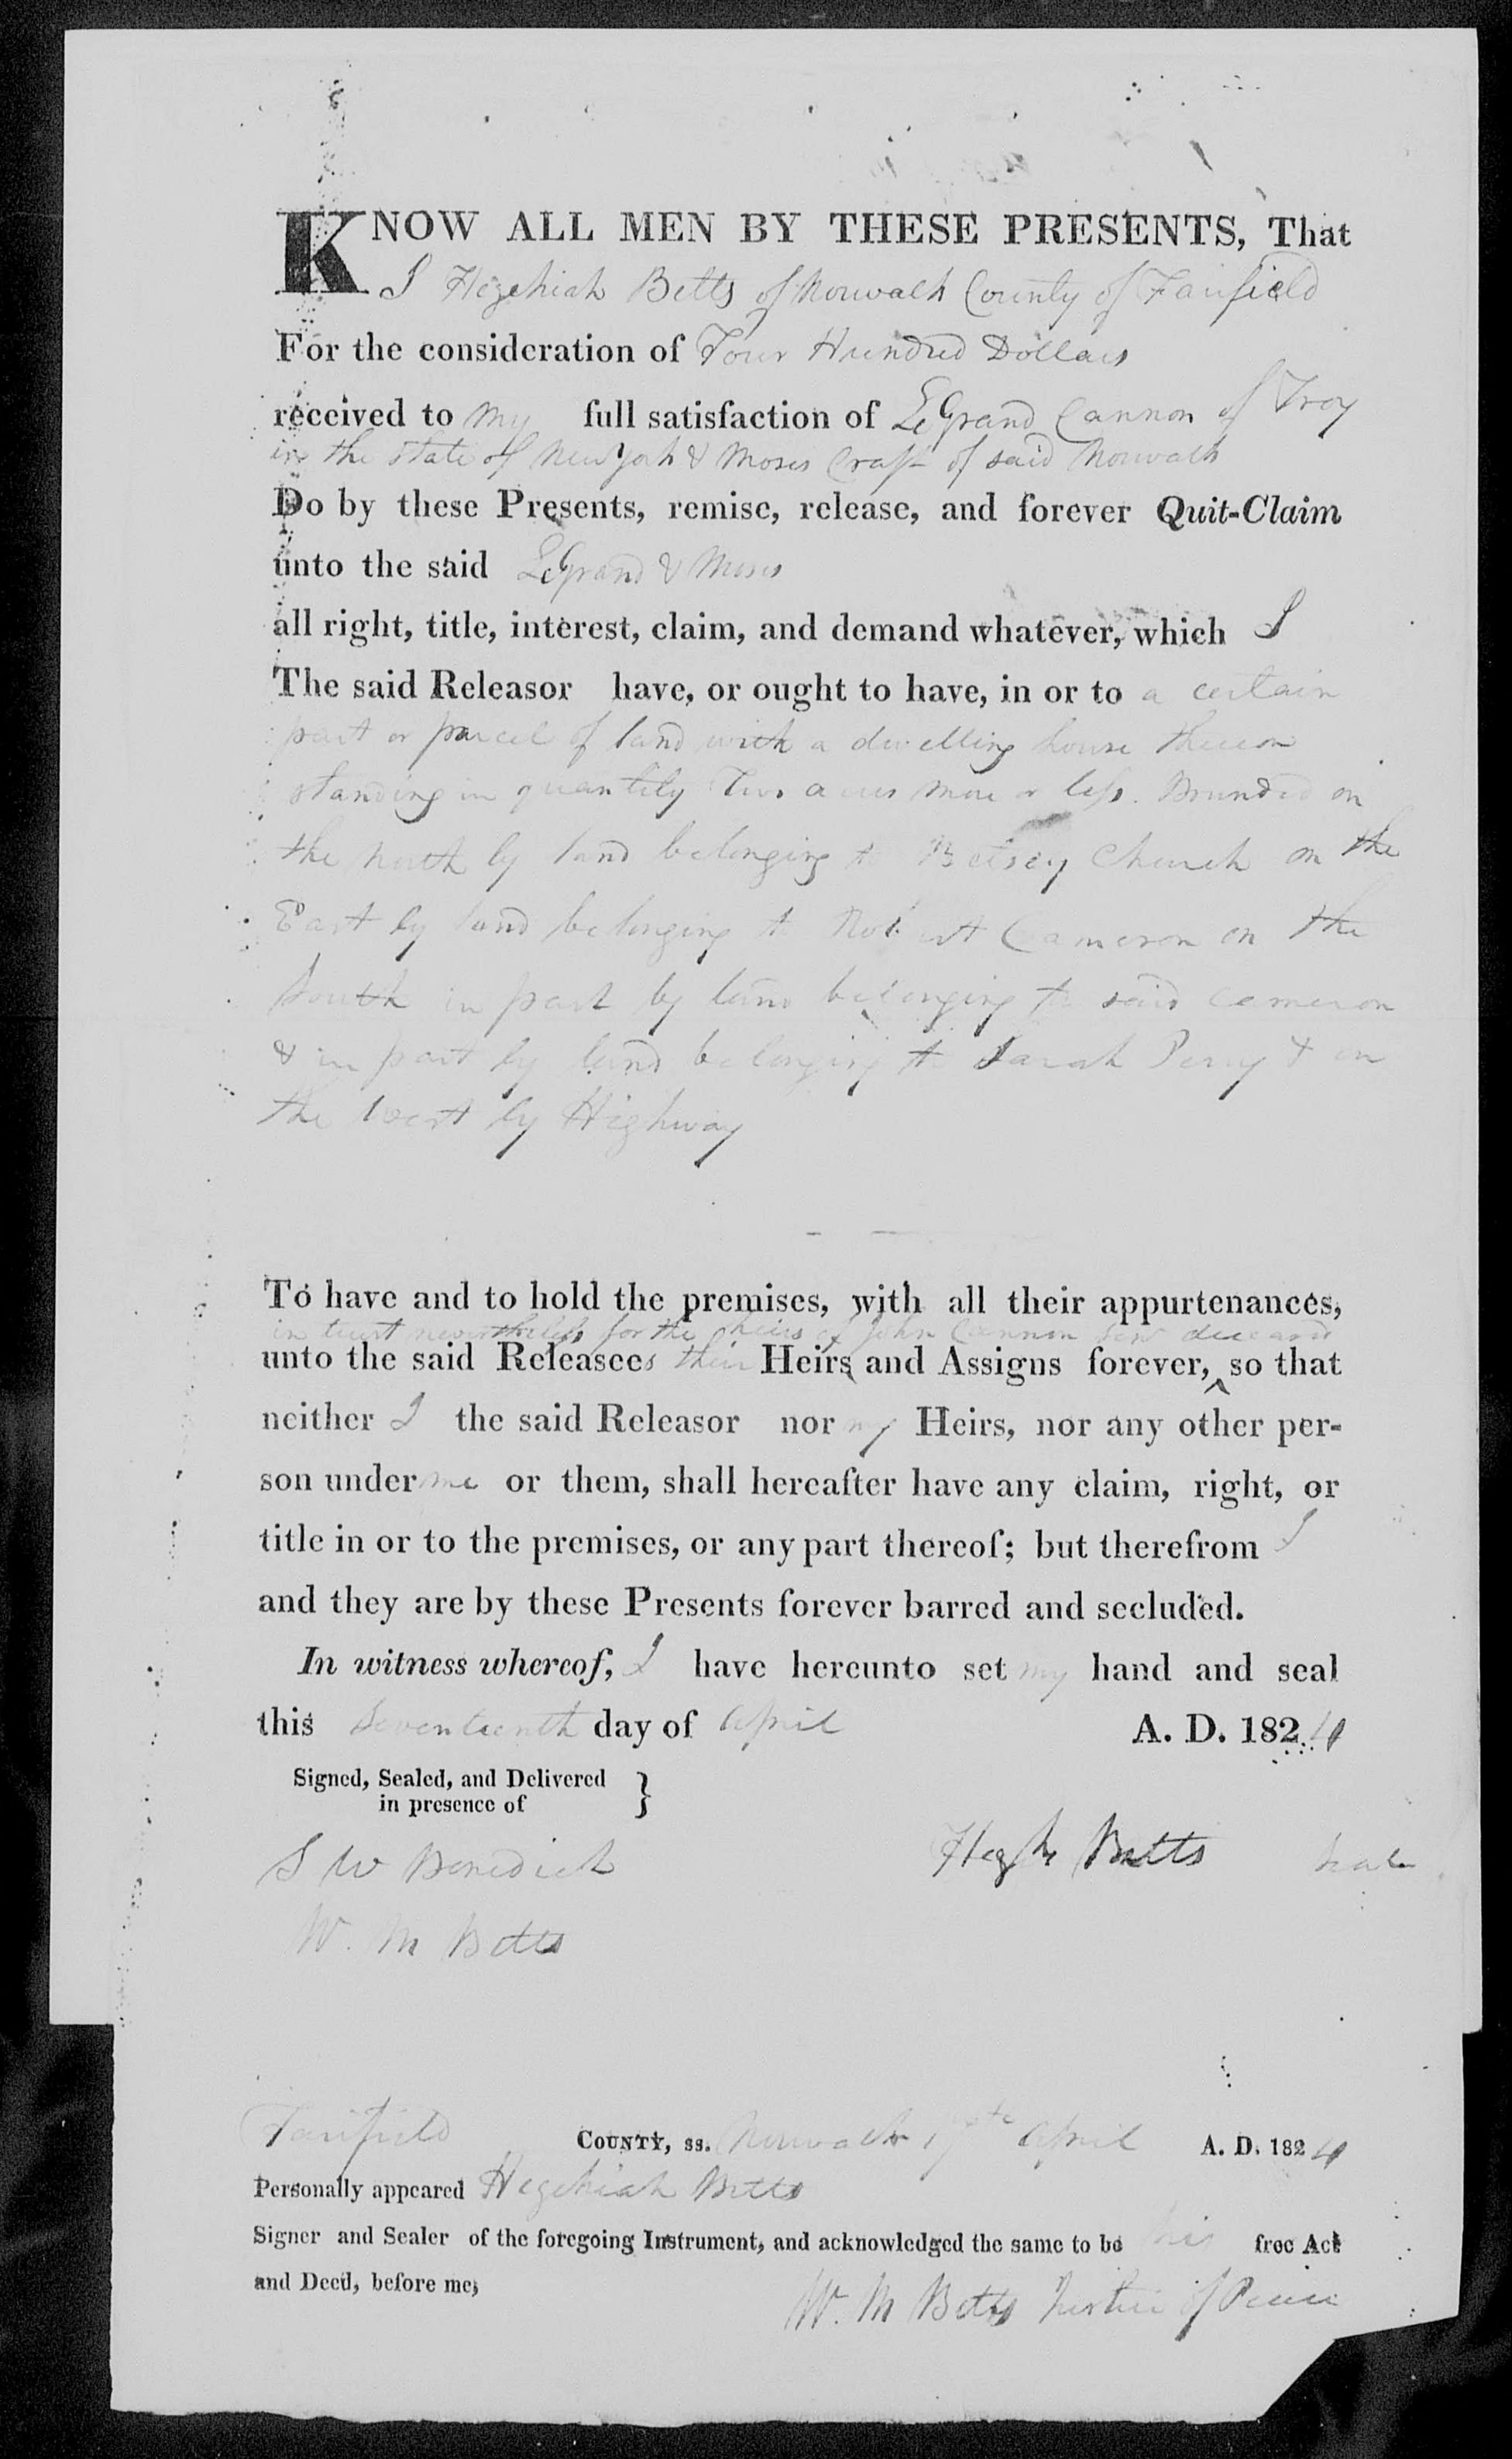KNOW ALL MEN BY THESE PRESENTS. That I Hezekiah Betts of Norwalk County of Fairfield For the consideration of Four Hundred Dollars received to my full satisfaction of LeGrand Cannon of Troy in the State of New York & Moses Craft of said Norwalk Do by these Presents, remise, release, and forever Quit-Claim unto the said LeGrand & Moses all right, title, interest, claim, and demand whatever, which I The said Releasor have, or ought to have in or to a certain part or parcel of land with a dwelling house therein standing in quantity two acres more or less. Bounded on the North by land belonging to Betsey Church on the East by land belonging to Robert cannon on the South in part by land belonging to said Cannon & in party by land belonging to Sarah Perry & on the West by Highway

To have and to hold the premises, with all their appurtenances, unto the said Releasees their Heirs and Assigns forever, in trust nevertheless for the heirs of John Cannon (illegible) deceased, so that neither I the said Releasor nor my Heirs, nor any other person under me or them, shall hereafter have any claim, right, or title in or to the premises, or any part thereof; by therefrom I and they are by these Presents forever barred and secluded.
In witness whereof, I have hereunto set my hand and seal this Seventeenth day of April A.D. 1824
Signed, Sealed, and Delivered}
in presence of }
SW Benedict
W. M. Betts

Hezk. Betts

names: Le Grand, Moses Craft, Robert Cameron, Sarah Perry, John Cannon, W M Betts, Hezh Betts, Hezekiah Betts, Hezekiah Betts, S W Benedict, Moses, Betsey Church, W M Betts, Le Grand Cannon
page: 39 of 61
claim: widow's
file: W. 29,929, Hezekiah Betts, Conn.